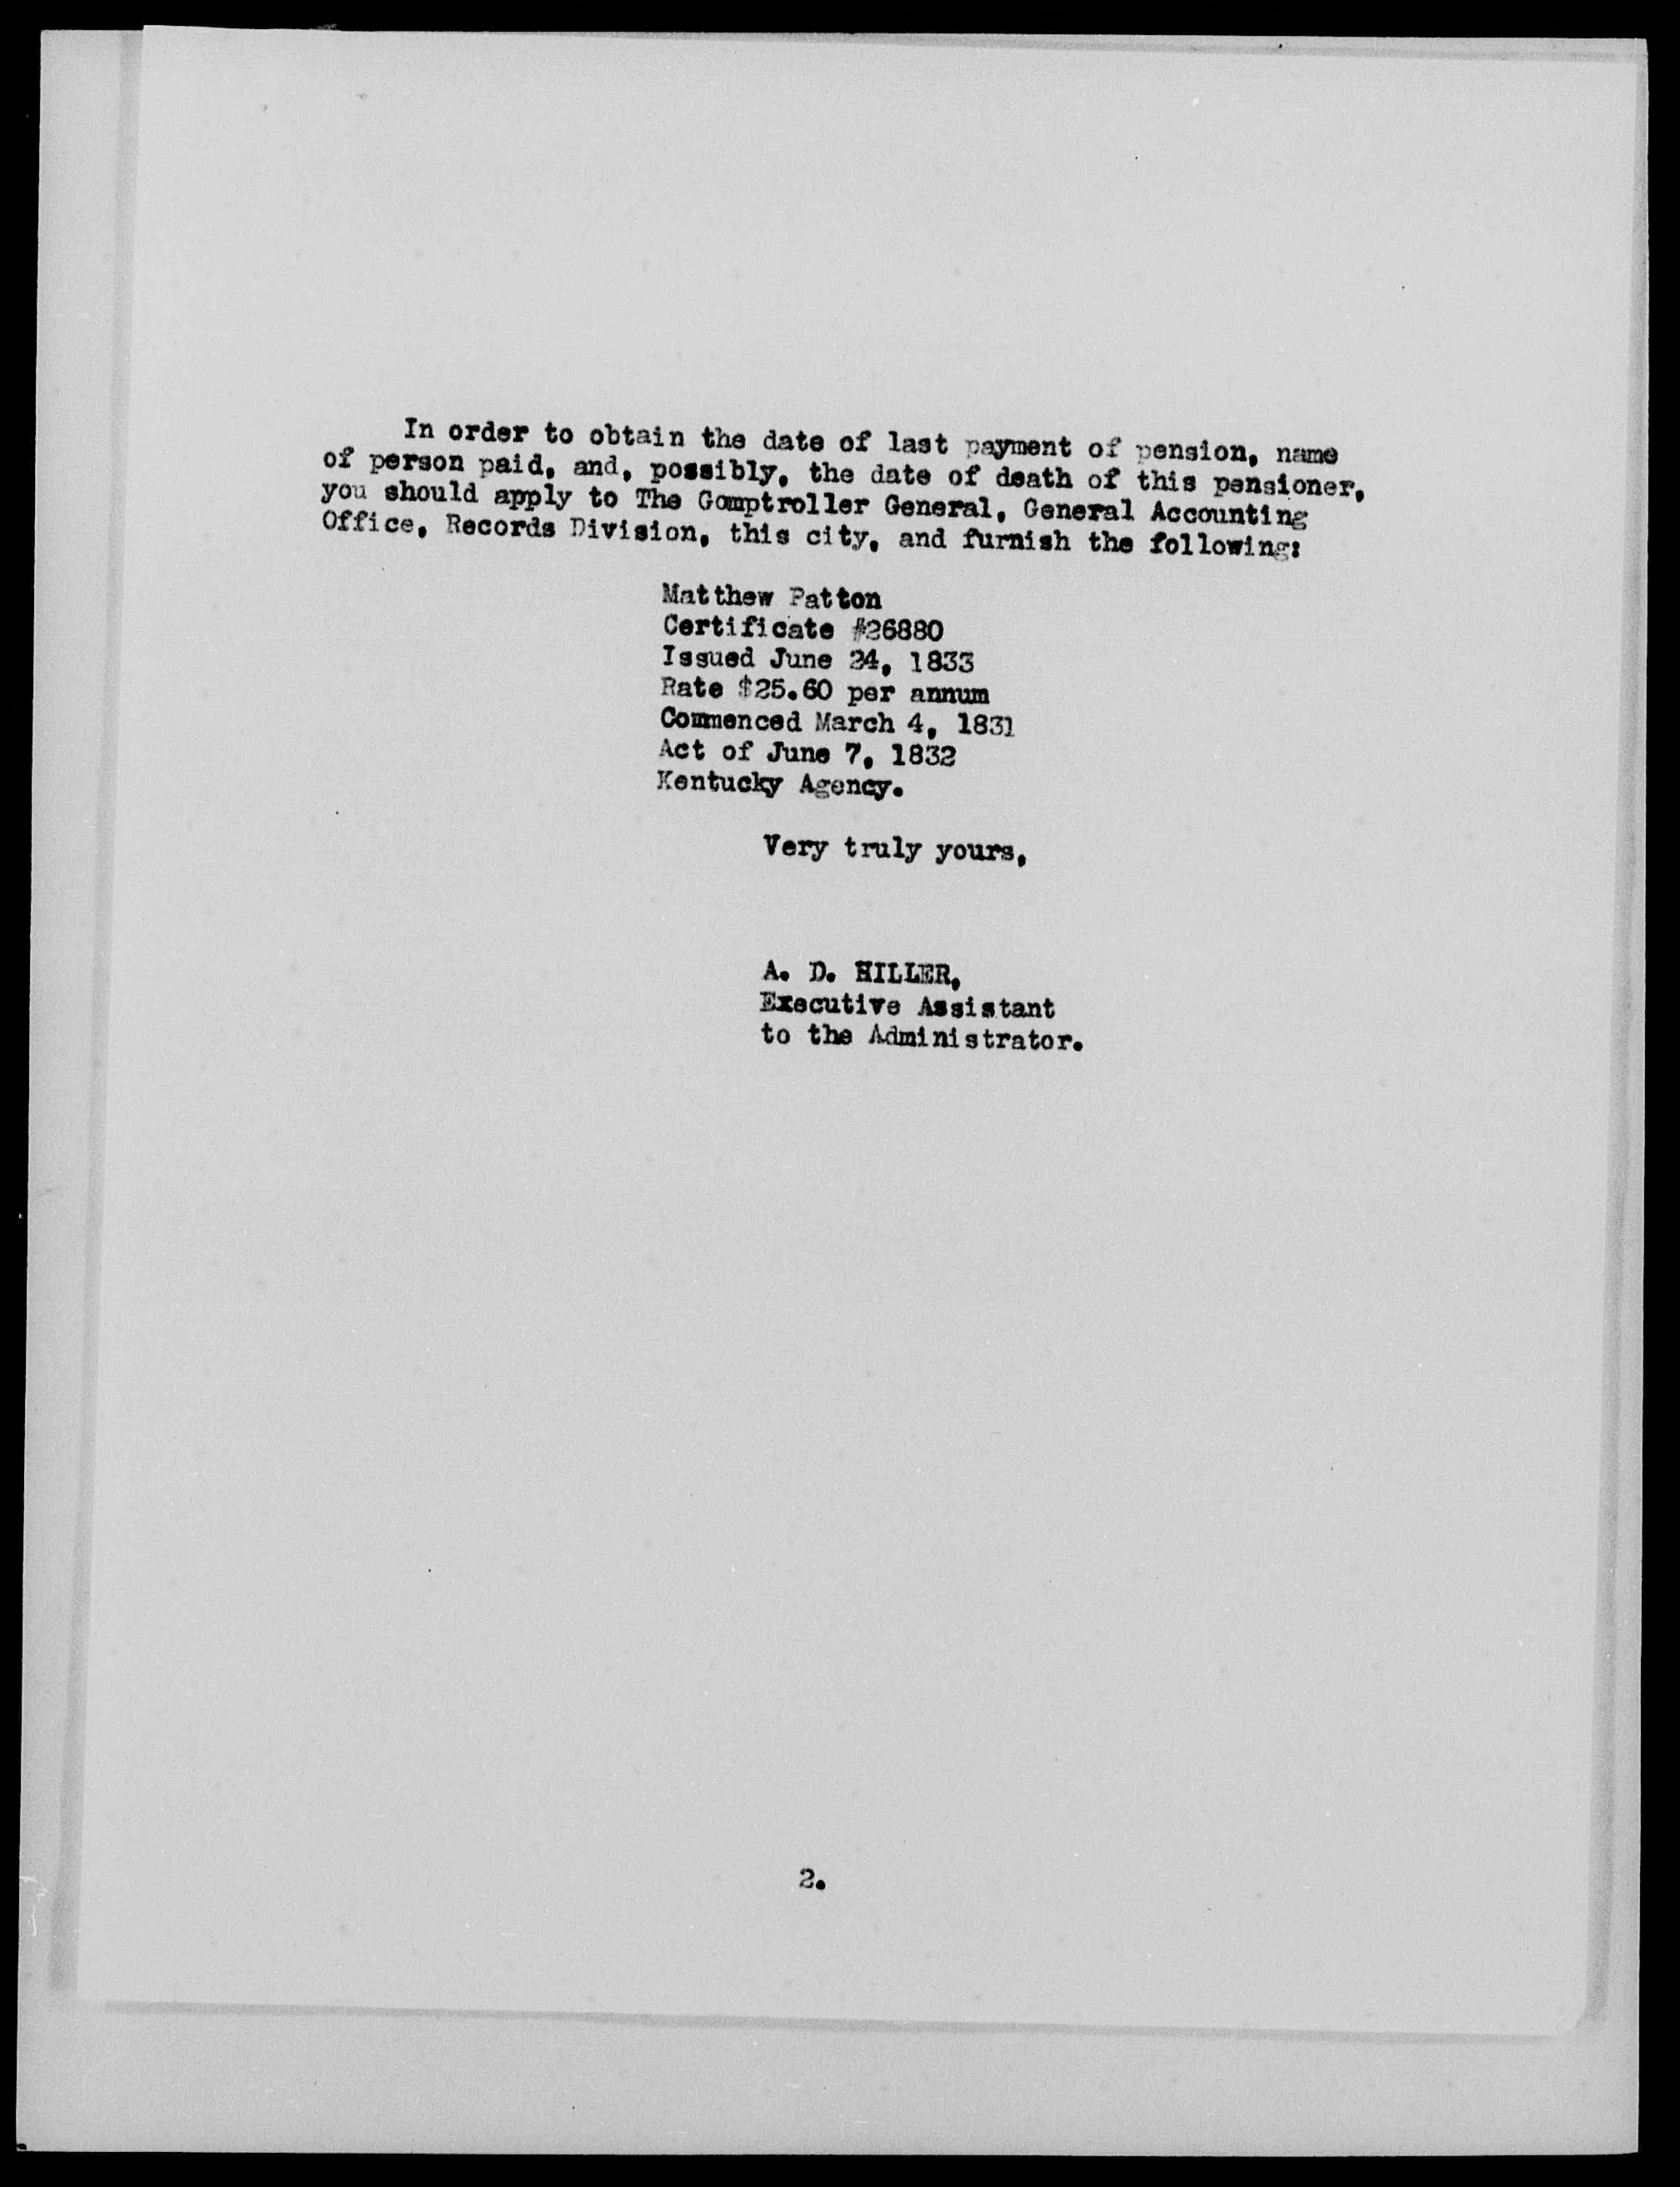In order to obtain the date of last payment of pension, name of person paid, and, possibly, the date of death of this pensioner,
you should apply to The Comptroller General, General Accounting Office, Records Division, this city, and furnish the following:
Matthew Patton
Certificate #26880
Issued June 24, 1833
Rate $25.60 per annum
Commenced March 4, 1831
Act of June 7, 1832
Kentucky Agency.
Very truly yours,
A. D. HILLER,
Executive Assistant
to the Administrator.
2.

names: A D Hiller; Matthew Patton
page: 14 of 45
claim: survivor's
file: S. 31294, for Matthew Patton, Maryland